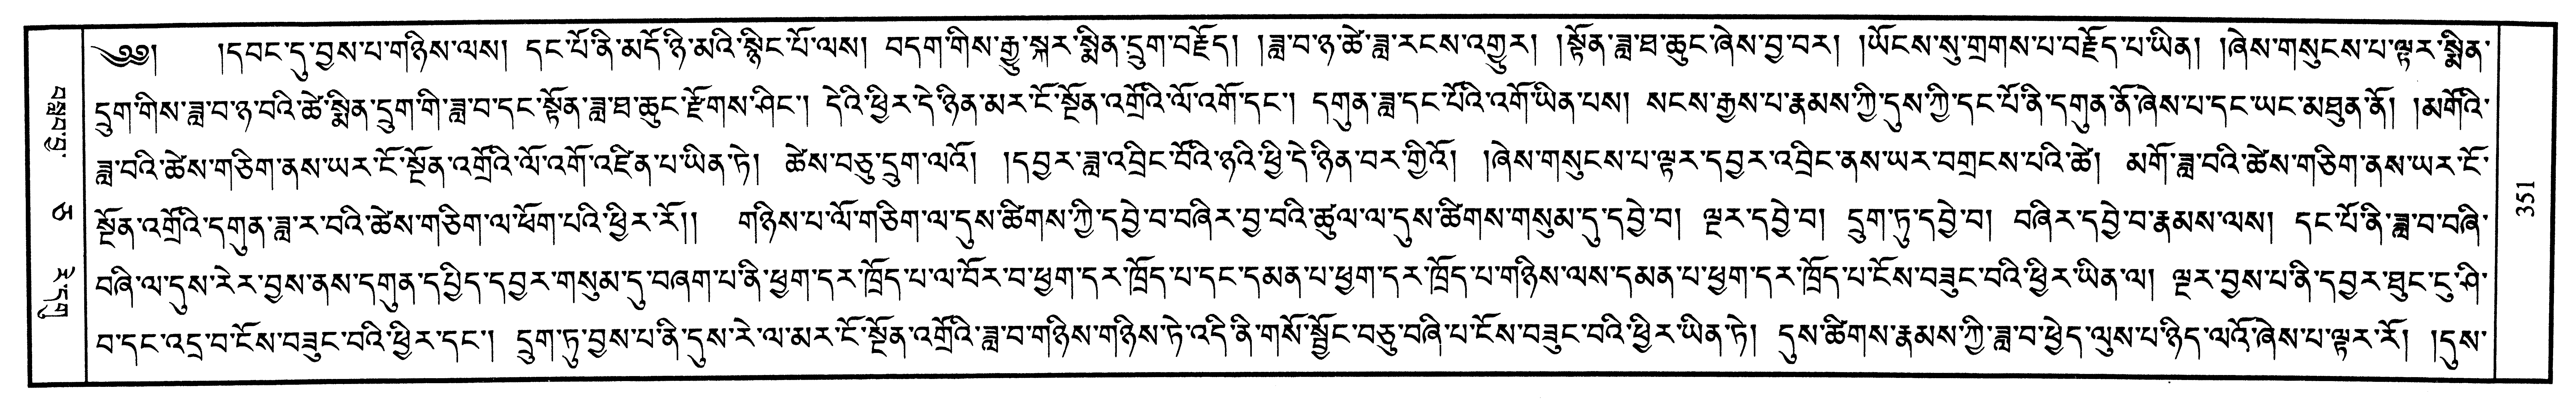༄༅། །དབང་དུ་བྱས་པ་གཉིས་ལས། དང་པོ་ནི་མདོ་ཉི་མའི་སྙིང་པོ་ལས། བདག་གིས་རྒྱུ་སྐར་སྨིན་དྲུག་བརྗོད། །ཟླ་བ་ཉ་ཚེ་ཟླ་རངས་འགྱུར། །སྟོན་ཟླ་ཐ་ཆུང་ཞེས་བྱ་བར། །ཡོངས་སུ་གྲགས་པ་བརྗོད་པ་ཡིན། །ཞེས་གསུངས་པ་ལྟར་སྨིན་
དྲུག་གིས་ཟླ་བ་ཉ་བའི་ཚེ་སྨིན་དྲུག་གི་ཟླ་བ་དང་སྟོན་ཟླ་ཐ་ཆུང་རྫོགས་ཤིང་། དེའི་ཕྱིར་དེ་ཉིད་མར་ངོ་སྔོན་འགྲོའི་ལོ་འགོ་དང་། དགུན་ཟླ་དང་པོའི་འགོ་ཡིན་པས། སངས་རྒྱས་པ་རྣམས་ཀྱིས་དུས་ཀྱི་དབང་པོ་ནི་དགུན་ནོ་ཞེས་པ་དང་ཡང་མཐུན་ནོ། །མགོའི་
ཟླ་བའི་ཚེས་གཅིག་ནས་ཡར་ངོ་སྔོན་འགྲོའི་ལོ་འགོ་འཛིན་པ་ཡིན་ཏེ། ཚེས་བཅུ་དྲུག་ལའོ། །དབྱར་ཟླ་འབྲིང་བོའི་ཉའི་ཕྱི་དེ་ཉིན་པར་གྱིའོ། །ཞེས་གསུངས་པ་ལྟར་དབྱར་འབྲིང་ནས་ཡར་བགྲངས་པའི་ཚེ། མགོ་ཟླ་བའི་ཚེས་གཅིག་ནས་ཡར་ངོ་
སྔོན་འགྲོའི་དགུན་ཟླ་ར་བའི་ཚེས་གཅིག་ལ་ཕོག་པའི་ཕྱིར་རོ།། གཉིས་པ་ལོ་གཅིག་ལ་དུས་ཚིགས་ཀྱི་དབྱེ་བ་བཞིར་བྱ་བའི་ཚུལ་ལ་དུས་ཚིགས་གསུམ་དུ་དབྱེ་བ། ལྔར་དབྱེ་བ། དྲུག་ཏུ་དབྱེ་བ། བཞིར་དབྱེ་བ་རྣམས་ལས། དང་པོ་ནི་ཟླ་བ་བཞི་
བཞི་ལ་དུས་རེར་བྱས་ནས་དགུན་དཔྱིད་དབྱར་གསུམ་དུ་བཞག་པ་ནི་ཕྱག་དར་ཁྲོད་པ་ལ་བོར་བ་ཕྱག་དར་ཁྲོད་པ་དང་དམན་པ་ཕྱག་དར་ཁྲོད་པ་གཉིས་ལས་དམན་པ་ཕྱག་དར་ཁྲོད་པ་ངོས་བཟུང་བའི་ཕྱིར་ཡིན་ལ། ལྔར་བྱས་པ་ནི་དབྱར་ཐུང་ངུ་ཤི་
བ་དང་འདྲ་བ་ངོས་བཟུང་བའི་ཕྱིར་དང་། དྲུག་ཏུ་བྱས་པ་ནི་དུས་རེ་ལ་མར་ངོ་སྔོན་འགྲོའི་ཟླ་བ་གཉིས་གཉིས་ཏེ་འདི་ནི་གསོ་སྦྱོང་བཅུ་བཞི་པ་ངོས་བཟུང་བའི་ཕྱིར་ཡིན་ཏེ། དུས་ཚིགས་རྣམས་ཀྱི་ཟླ་བ་ཕྱེད་ལུས་པ་ཉིད་ལའོ་ཞེས་པ་ལྟར་རོ། །དུས་